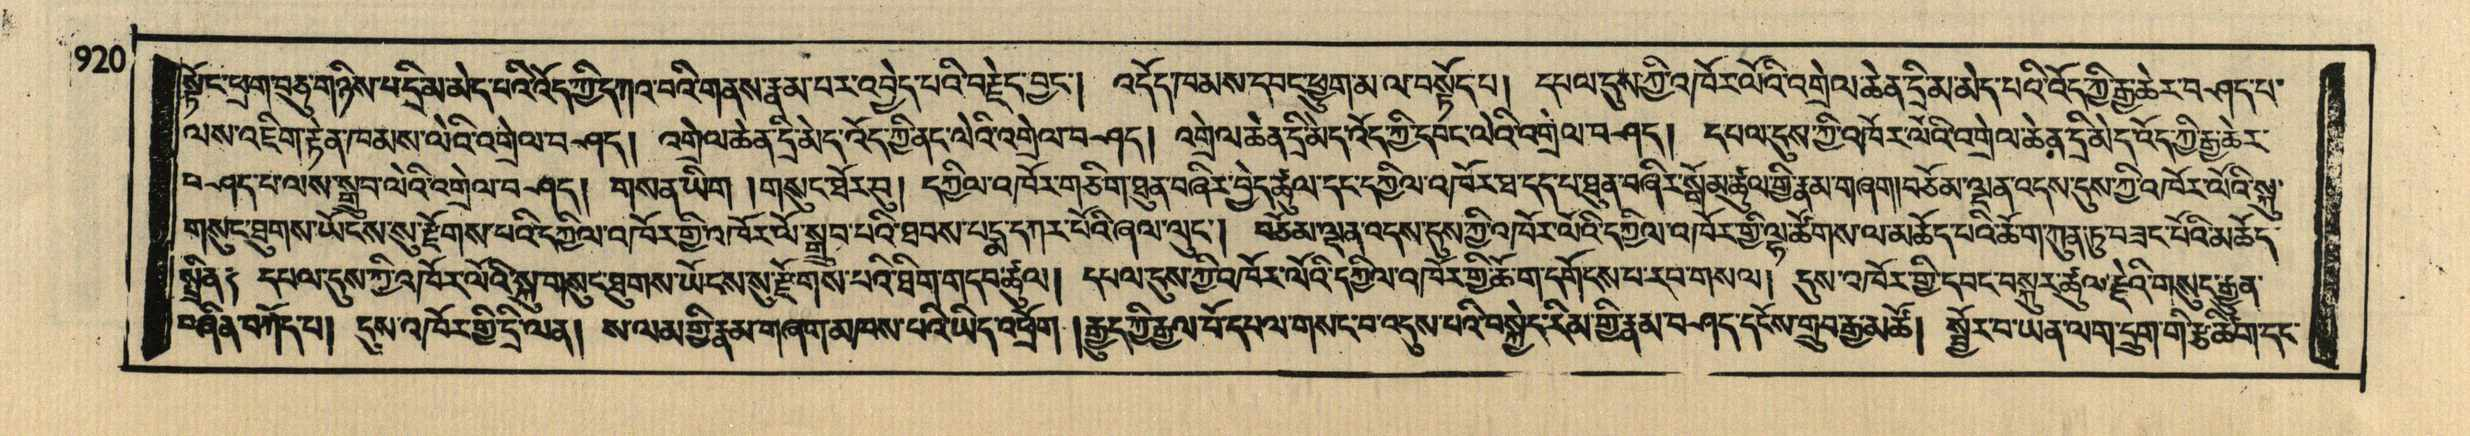སྟོང་ཕྲག་བཅུ་གཉིས་པ་དྲི་མ་མེད་པའི་འོད་ཀྱི་དཀའ་བའི་གནས་རྣམ་པར་འབྱེད་པའི་བརྗེད་བྱང་། འདོད་ཁམས་དབང་ཕྱུག་མ་ལ་བསྟོད་པ། དཔལ་དུས་ཀྱི་འཁོར་ལོའི་འགྲེལ་ཆེན་དྲི་མ་མེད་པའི་འོད་ཀྱི་རྒྱ་ཆེར་བཤད་པ་
ལས་འཇིག་རྟེན་ཁམས་ལེའི་འགྲེལ་བཤད། འགྲེལ་ཆེན་དྲི་མེད་འོད་ཀྱི་ནང་ལེའི་འགྲེལ་བཤད། འགྲེལ་ཆེན་དྲི་མེད་འོད་ཀྱི་དབང་ལེའི་འགྲེལ་བཤད། དཔལ་དུས་ཀྱི་འཁོར་ལོའི་འགྲེལ་ཆེན་དྲི་མེད་འོད་ཀྱི་རྒྱ་ཆེར་
བཤད་པ་ལས་སྒྲུབ་ལེའི་འགྲེལ་བཤད། གསན་ཡིག །གསུང་ཐོར་བུ། དཀྱིལ་འཁོར་གཅིག་ཐུན་བཞིར་བྱེད་ཚུལ་དང་དཀྱིལ་འཁོར་ཐ་དད་པ་ཐུན་བཞིར་སྒོམ་ཚུལ་གྱི་རྣམ་གཞག། བཅོམ་ལྡན་འདས་དུས་ཀྱི་འཁོར་ལོའི་སྐུ་
གསུང་ཐུགས་ཡོངས་སུ་རྫོགས་པའི་དཀྱིལ་འཁོར་གྱི་འཁོར་ལོ་སྒྲུབ་པའི་ཐབས་པདམ་དཀར་པོའི་ཞལ་ལུང་། བཅོམ་ལྡན་འདས་དུས་ཀྱི་འཁོར་ལོའི་དཀྱིལ་འཁོར་གྱི་ལྷ་ཚོགས་ལ་མཆོད་པའི་ཆོ་ག་ཀུན་ཏུ་བཟང་པོའི་མཆོད་
སྤྲིན༑ དཔལ་དུས་ཀྱི་འཁོར་ལོའི་སྐུ་གསུང་ཐུགས་ཡོངས་སུ་རྫོགས་པའི་ཐིག་གདབ་ཚུལ། དཔལ་དུས་ཀྱི་འཁོར་ལོའི་དཀྱིལ་འཁོར་གྱི་ཆོ་ག་དགོངས་པ་རབ་གསལ། དུས་འཁོར་གྱི་དབང་བསྐུར་ཚུལ་རྗེའི་གསུང་རྒྱུན་
བཞིན་བཀོད་པ། དུས་འཁོར་གྱི་དྲི་ལན། ས་ལམ་གྱི་རྣམ་གཞག་མཁས་པའི་ཡིད་འཕྲོག །རྒྱུད་ཀྱི་རྒྱལ་པོ་དཔལ་གསང་བ་འདུས་པའི་བསྐྱེད་རིམ་གྱི་རྣམ་བཤད་དངོས་གྲུབ་རྒྱ་མཚོ། སྦྱོར་བ་ཡན་ལག་དྲུག་གི་རྩ་ཚིག་དང་